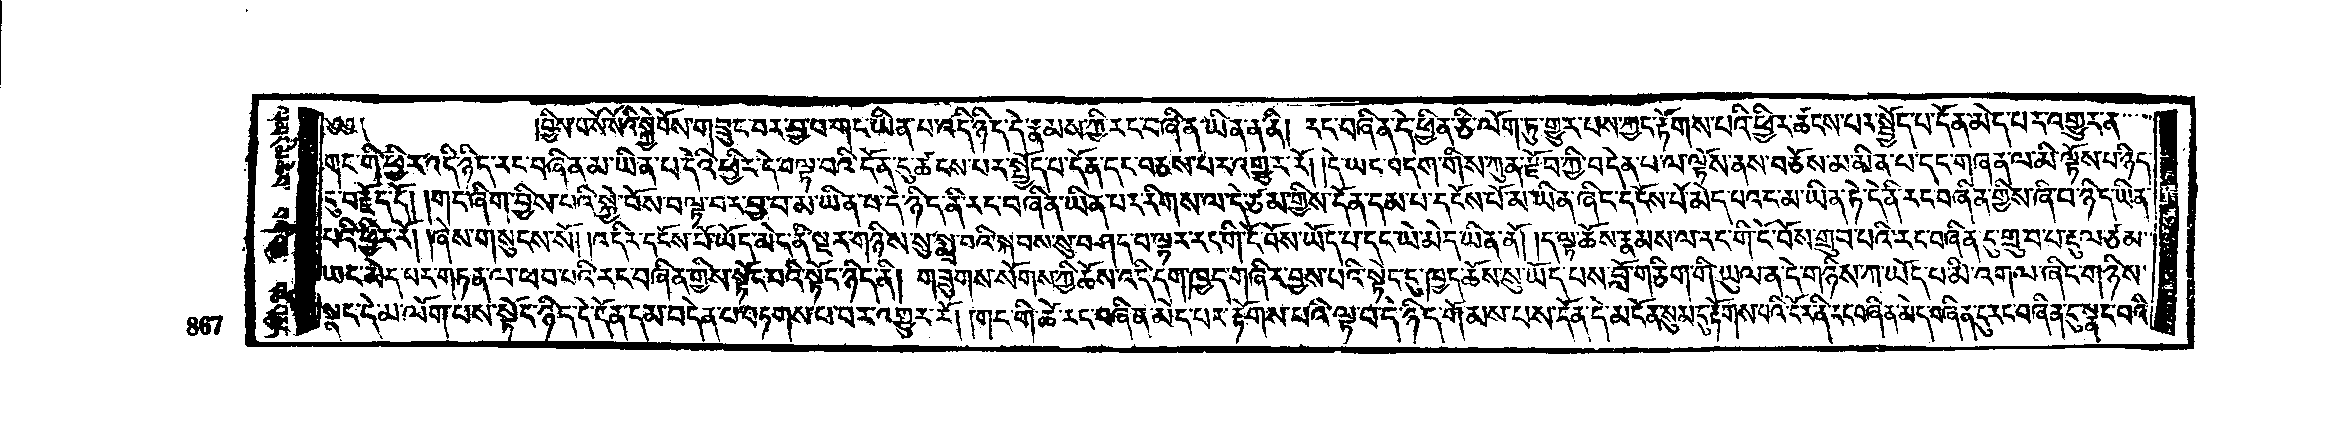༄༅། །བྱིས་པ་སོ་སོའི་སྐྱེ་བོས་གཟུང་བར་བྱ་བ་གང་ཡིན་པ་འདི་ཉིད་དེ་རྣམས་ཀྱི་རང་བཞིན་ཡིན་ན་ནི། རང་བཞིན་དེ་ཕྱིན་ཅི་ལོག་ཏུ་གྱུར་པས་ཀྱང་རྟོགས་པའི་ཕྱིར་ཚངས་པར་སྤྱོད་པ་དོན་མེད་པར་འགྱུར་ན་
གང་གི་ཕྱིར་འདི་ཉིད་རང་བཞིན་མ་ཡིན་པ་དེའི་ཕྱིར་དེ་བལྟ་བའི་དོན་དུ་ཚངས་པར་སྤྱོད་པ་དོན་དང་བཅས་པར་འགྱུར་རོ། །དེ་ཡང་བདག་གིས་ཀུན་རྫོབ་ཀྱི་བདེན་པ་ལ་ལྟོས་ནས་བཅོས་མ་མིན་པ་དང་གཞན་ལ་མི་ལྟོས་པ་ཉིད་
དུ་བརྗོད་དོ། །གང་ཞིག་བྱིས་པའི་སྐྱེ་བོས་བལྟ་བར་བྱ་བ་མ་ཡིན་པ་དེ་ཉིད་ནི་རང་བཞིན་ཡིན་པར་རིགས་ལ་དེ་ཙམ་གྱིས་དོན་དམ་པ་དངོས་པོ་མ་ཡིན་ཞིང་དངོས་པོ་མེད་པའང་མ་ཡིན་ཏེ་དེ་ནི་རང་བཞིན་གྱིས་ཞི་བ་ཉིད་ཡིན་
བའི་ཕྱིར་རོ། །ཞེས་གསུངས་སོ། །འདིར་དངོས་པོ་ཡོད་མེད་ནི་སྔར་གཉིས་སུ་སྨྲ་བའི་སྐབས་སུ་བཤད་པ་ལྟར་རང་གི་ངོ་བོས་ཡོད་པ་དང་ཡེ་མེད་ཡིན་ནོ། །ད་ལྟ་ཆོས་རྣམས་ལ་རང་གི་ངོ་བོས་གྲུབ་པའི་རང་བཞིན་དུ་གྲུབ་པ་རྡུལ་ཙམ་
ཡང་མེད་པར་གཏན་ལ་ཕབ་པའི་རང་བཞིན་གྱིས་སྟོང་བའི་སྟོང་ཉིད་ནི། གཟུགས་སོགས་ཀྱི་ཆོས་འདི་དག་ཁྱད་གཞིར་བྱས་པའི་སྟེང་དུ་ཁྱད་ཆོས་སུ་ཡོད་པས་བློ་གཅིག་གི་ཡུལ་ན་དེ་གཉིས་ཀ་ཡོད་པ་མི་འགལ་ཞིང་གཉིས་
སྣང་དེ་མ་ལོག་པས་སྟོང་ཉིད་དེ་དོན་དམ་བདེན་པ་བཏགས་པ་བར་འགྱུར་རོ། །གང་གི་ཚེ་རང་བཞིན་མེད་པར་རྟོགས་པའི་ལྟ་བ་དེ་ཉིད་གོམས་པས་དོན་དེ་མངོན་སུམ་དུ་རྟོགས་པའི་ངོར་ནི་རང་བཞིན་མེད་བཞིན་དུ་རང་བཞིན་དུ་སྣང་བའི་